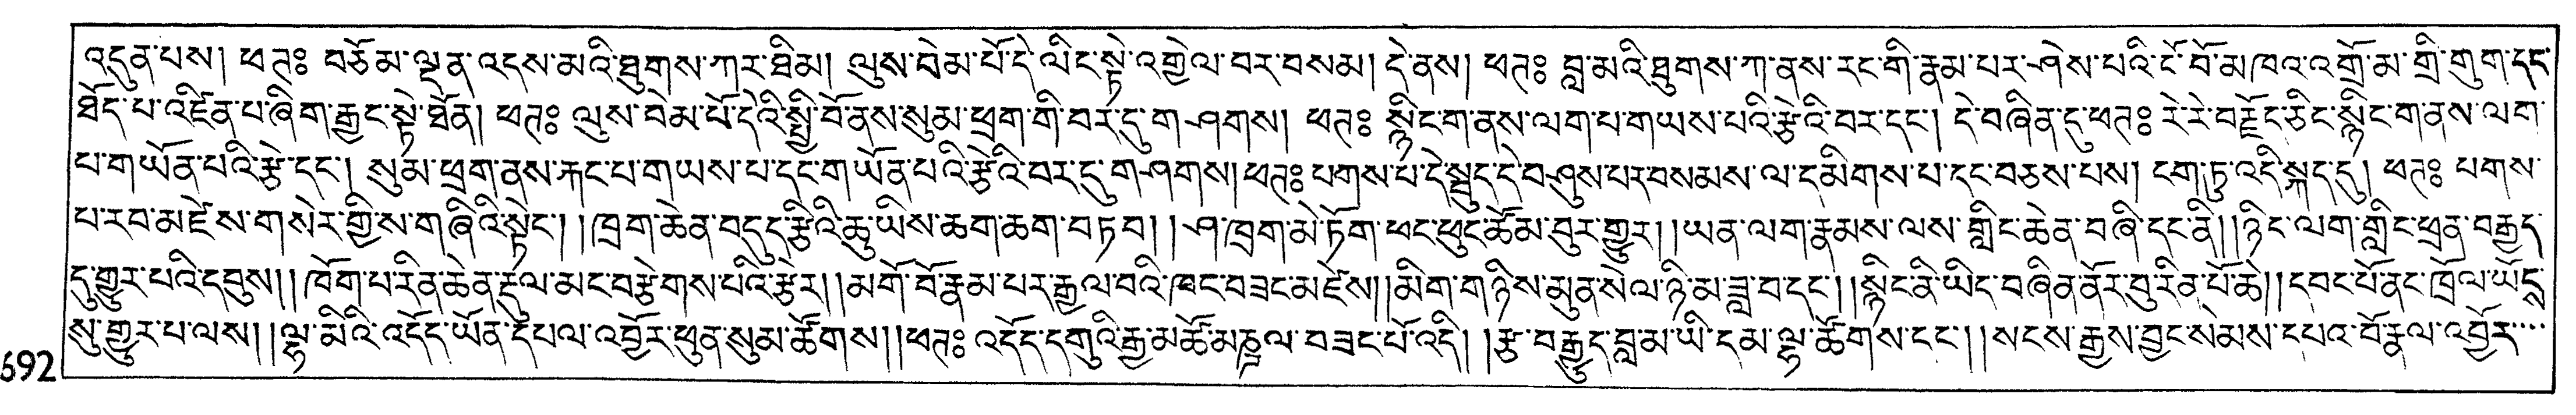འདུན་པས། ཕཊཿ བཅོམ་ལྡན་འདས་མའི་ཐུགས་ཀར་ཐིམ། ལུས་བེམ་པོ་དེ་ལིང་སྟེ་འགྱེལ་བར་བསམ། དེ་ནས། ཕཊཿ བླ་མའི་ཐུགས་ཀ་ནས་རང་གི་རྣམ་པར་ཤེས་པའི་ངོ་བོ་མཁའ་འགྲོ་མ་གྲི་གུག་དང་
ཐོད་པ་འཛིན་པ་ཞིག་རྒྱང་སྟེ་ཐོན། ཕཊཿ ལུས་བེམ་པོ་དེའི་སྤྱི་བོ་ནས་སུམ་ཕྲག་གི་བར་དུ་གཤགས། ཕཊཿ སྙིང་ག་ནས་ལག་པ་གཡས་པའི་རྩེའི་བར་དང་། དེ་བཞིན་དུ་ཕཊཿ རེ་རེ་བརྗོད་ཅིང་སྙིང་ག་ནས་ལག་
པ་གཡོན་པའི་རྩེ་དང་། སུམ་ཕྲག་ནས་རྐང་པ་གཡས་པ་དང་གཡོན་པའི་རྩེའི་བར་དུ་གཤགས། ཕཊཿ པགས་པ་དེ་སྦུད་དེ་བཤུས་པར་བསམས་ལ་དམིགས་པ་དང་བཅས་པས། ངག་ཏུ་འདི་སྐད་དུ། ཕཊཿ པགས་
པ་རབ་མཛེས་གསེར་གྱི་ས་གཞིའི་སྟེང་། །ཁྲག་ཆེན་བདུད་རྩིའི་ཆུ་ཡིས་ཆག་ཆག་བཏབ། །ཤ་ཁྲག་མེ་ཏོག་ཕང་ཕུང་ཚོམ་བུར་གྱུར། །ཡན་ལག་རྣམས་ལས་གླིང་ཆེན་བཞི་དང་ནི། །ཉིད་ལག་གླིང་ཕྲན་བརྒྱད་
དུ་གྱུར་པའི་དབུས། །ཁོག་པ་རིན་ཆེན་རྡུལ་མང་བརྩེགས་པའི་རྩེར། །མགོ་བོ་རྣམ་པར་རྒྱལ་བའི་ཁང་བཟང་མཛེས། །མིག་གཉིས་མུན་སེལ་ཉི་མ་ཟླ་བ་དང་། །སྙིང་ནི་ཡིད་བཞིན་ནོར་བུ་རིན་པོ་ཆེ། །དབང་པོ་ནང་ཁྲོལ་ཡོངས་
སུ་གྱུར་པ་ལས། །ལྷ་མིའི་འདོད་ཡོན་དཔལ་འབྱོར་ཕུན་སུམ་ཚོགས། །ཕཊཿ འདོད་དགུའི་རྒྱ་མཚོ་མཎྜལ་བཟང་པོ་འདི། །རྩ་བརྒྱུད་བླ་མ་ཡི་དམ་ལྷ་ཚོགས་དང་། །སངས་རྒྱས་བྱང་སེམས་དཔའ་བོ་རྣལ་འབྱོར་